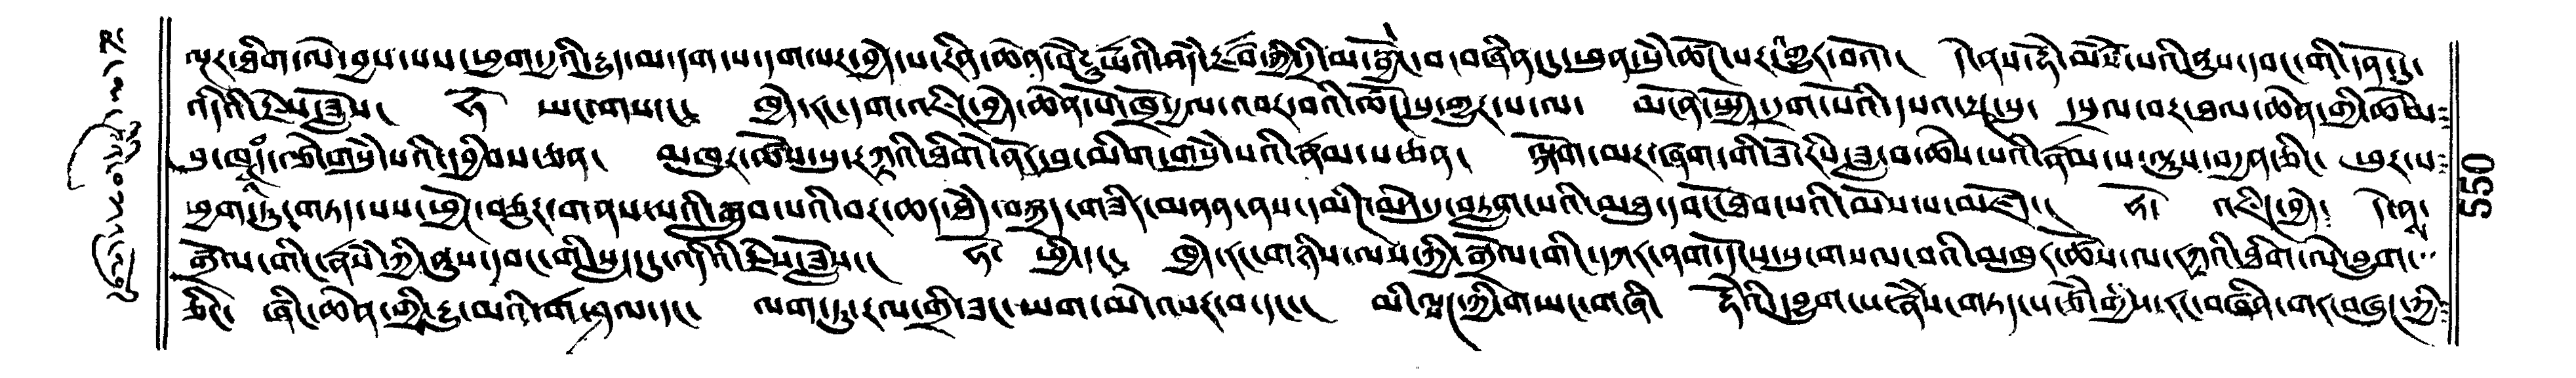ལྔར་ཐིག་ལེ་བྱས་པས་ཕྱག་རྒྱའི་རྒྱུད་མ་དག་པ་དག་པར་བྱེད་པ་རིན་ཆེན་བཻཌཱུརྻའི་འདམ་རྫབ་ཀྱི་དྲི་མ་སྦྱང་བ་བཞིན་དུ་ཕུན་སུམ་ཚོགས་པར་འགྱུར་བའོ། དེ་ནས་རྡོ་རྗེ་མཚམས་པའི་ནུས་དབང་གི་དོན་དུ་
འདིའི་རྗེས་ཟློས།ཧོཿ ཡང་གསང༴ ཁྱེད་རང་དག་འཇིགས་བྱེད་ཆེན་པོ་ཁྲོ་རྒྱལ་འབར་བའི་ཚོགས་སུ་གྱུར་པ་ལ། མངོན་སྤྱོད་དྲག་པོའི་རྟགས་སུ་དཔྲལ་བར་ཐལ་ཆེན་གྱི་ཚོམ་
བུ་ཁྭ་ཊཾ་རྩེ་གསུམ་པའི་དབྱིབས་ཅན། མཁུར་ཚོས་སུ་རཀྟའི་ཐིག་ལེ་ནོར་བུ་མིག་གསུམ་པའི་རྣམ་པ་ཅན། ལྐོག་མར་ཞག་གི་ཟོ་རིས་ཟླ་བ་ཚེས་པའི་རྣམ་པ་ལྟ་བུས་བརྒྱན་ཅིང་། ཕུར་པ་
ཕྱག་ཏུ་གཏད་པས་ཕྱོགས་བཅུར་གནས་པའི་སྒྲུབ་པའི་བར་ཆད་ཐམས་ཅད་བསྐྲད་གཟིར་མནན་ནས་དམིགས་མེད་དུ་བརླག་པའི་མཐུ་དབང་ཐོབ་པའི་མོས་པ་མཛོད། ཧོཿ འཇིགས་བྱེད༴ དེ་ནས་
སྒྲོལ་གིང་རྣམས་ཀྱི་ནུས་དབང་གི་སླད་དུ་འདིའི་རྗེས་ཟློས། ཧོཿ ཕྱི་དང༴ ཁྱེད་རང་གཉིས་ལས་ཀྱི་སྒྲོལ་གིང་དཀར་ནག་དངོས་སུ་གསལ་བའི་ཁུར་ཚོས་ལ་རཀྟའི་ཐིག་ལེ་བྱུག་
ཅིང་། ཞིང་ཆེན་གྱི་རྒྱུ་མའི་ག་ཤལ་དང་། ལག་ཏུ་རལ་གྲི་ཟངས་ཡག་མེ་འབར་བ་དང་། མི་ལྤགས་ཀྱི་གཡང་གཞི། རྡོ་རྗེའི་དབྱུག་པ་རྣམས་གཏད་པ་ཙམ་གྱིས་རང་བཞིན་གར་བཞུགས་ཀྱི་